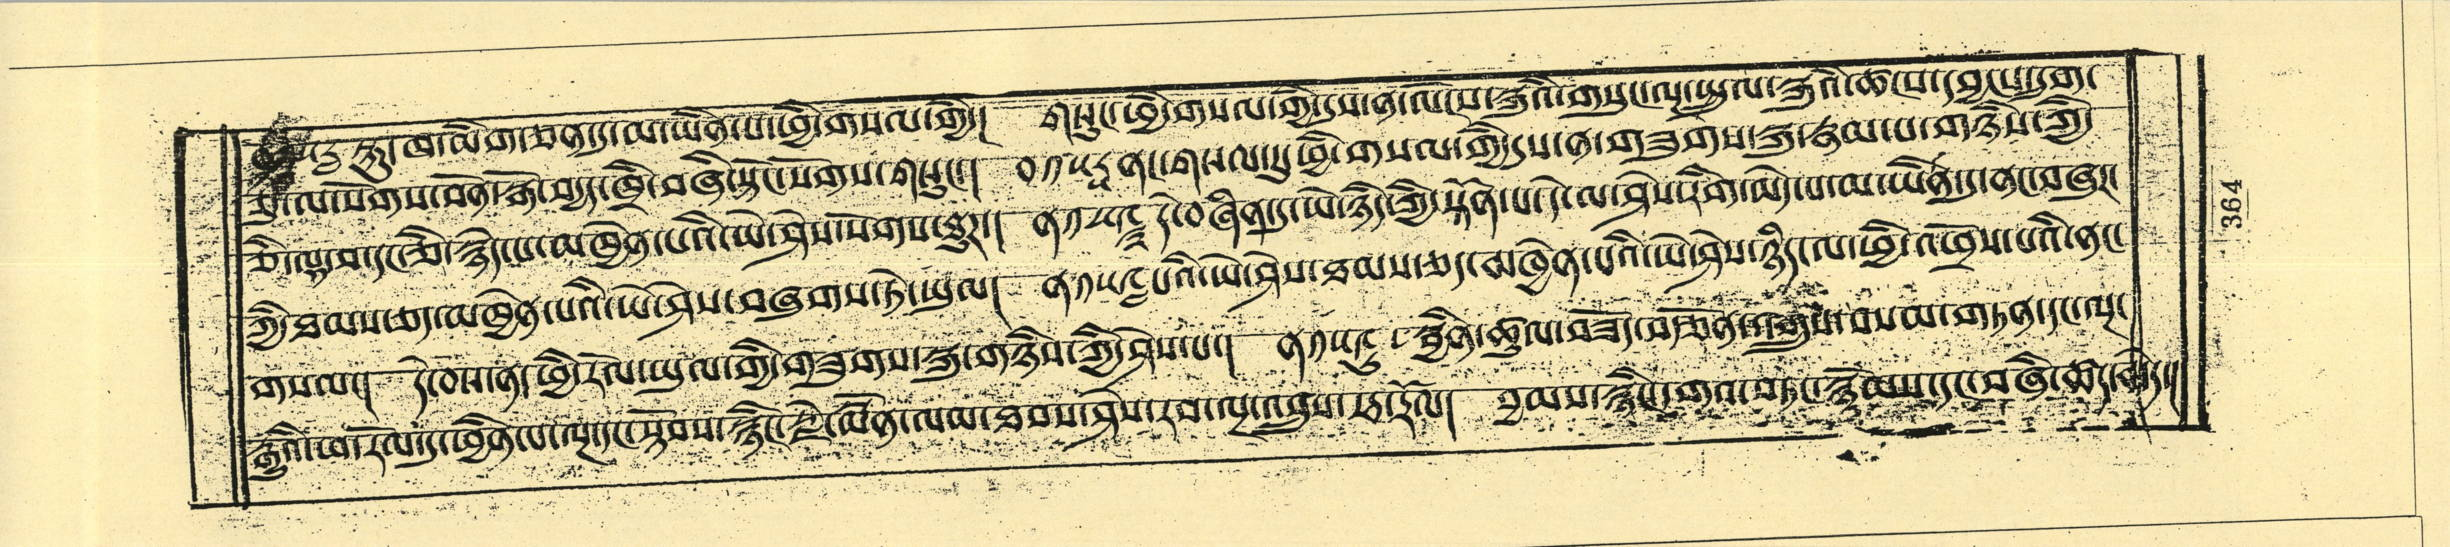བ༡༥༨།༤སྐུ་ཁ མིག་ཅན་དུ་མ་ཡིན་པ་ཕྱི་གསལ་གྱི། གསུང་ཕྱི་གསལ་གྱི་དུས་ན་ལོངས་སྐུའི་གསུང་ལ་སྤྲུལ་སྐུའི་ཚངས་དབྱངས་དྲུག་
ཅུ་ལ་སོགས་བོན་སྒོ་བརྒྱད་ཁྲི་བཞི་སྟོང་སོགས་གསུང། བ༡༥༨།༥ ནང་ གསལ་དུ་ཕྱི་གསལ་གྱི་དུས་ན་གཟུགས་སྐུ་རྣམ་པ་གཉིས་ཀྱི་
ཅི་ལྟ་བ་དང་ཅི་སྙེད་པ་མཁྱེན་པའི་ཡེ་ཤེས་སོགས་ཐུགས། ན༡༥༩།༣ དེ་བཞིན་དུ་ཡེ་ཉིད་ཀྱི་སྟོན་པ་དེ་ལ་ཤེས་རིག་མེད་པ་མ་ཡིན་དུ་ནང་བཞུགས་
ཀྱི་ཐམས་ཅད་མཁྱེན་པའི་ཡེ་ཤེས་བཞུགས་ཏེ་ཡུལ། ན༡༥༩།༤ པའི་ཡེ་ཤེས་ཐམས་ཅད་མཁྱེན་པའི་ཡེ་ཤེས་ཉིད་ལ་ཕྱི་འཕྲོས་པའི་ནང་
གསལ། དེ་བས་ན་ཕྱི་རོལ་ཡུལ་གྱི་གཟུགས་སྐུ་གཉིས་ཀྱི་ཤེས་པ། ན༡༥༩།༦ སྦྱིན་ཚུལ་བཟོད་བརྩོན་འགྲུས་བསམ་གཏན་དང་ལྔ་
རྒྱུའི་ཕ་རོལ་དུ་ཕྱིན་པ་ལྔ་དང་སྟོབས་སྙིང་རྗེ་སྨོན་ལམ་ཐབས་ཤེས་རབ་ལྔ་འབྲས་བུ་ ༼ཕ་རོལ།༽བྱམས་སྙིང་དགའ་བཏང་སྙོམས་དང་བཞི་ ༼ཚད་མེད་༽